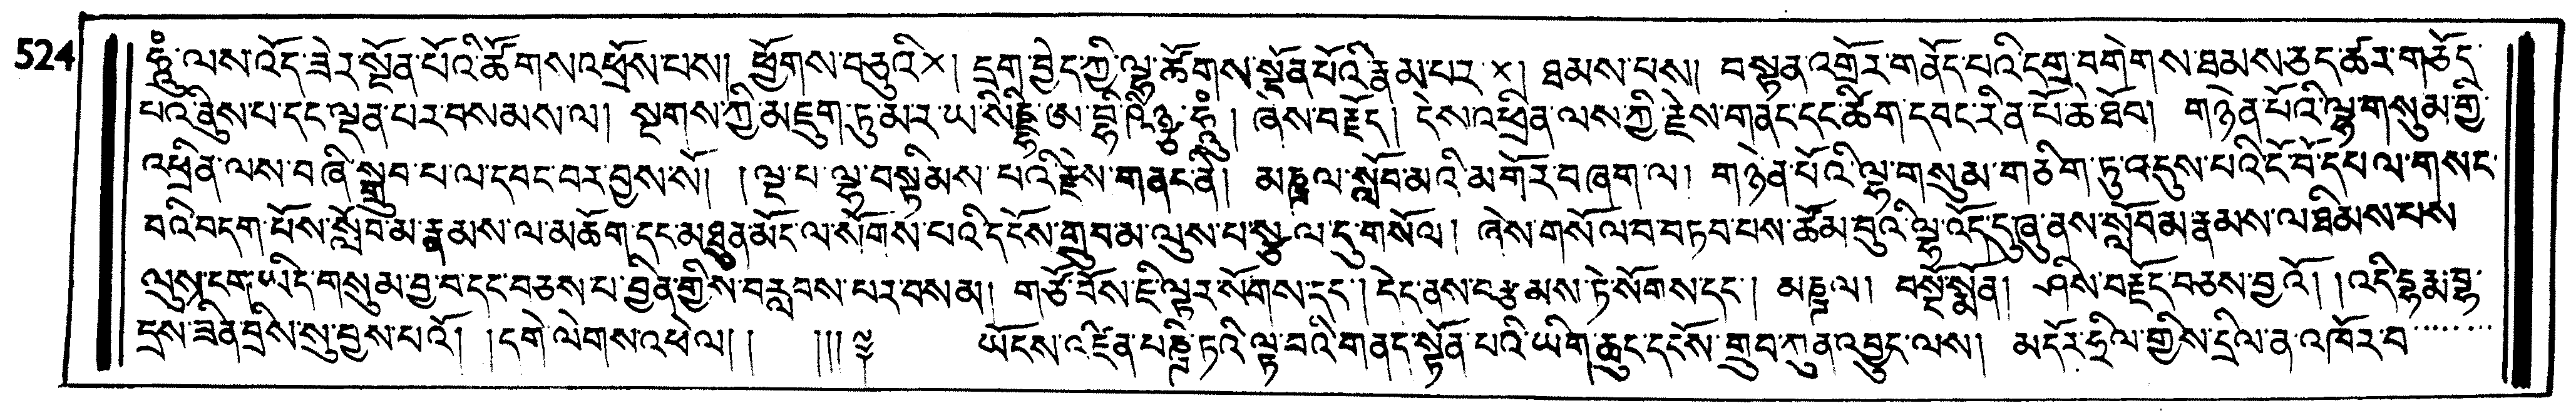ཧཱུཾ་ལས་འོད་ཟེར་སྔོན་པོའི་ཚོགས་འཕྲོས་པས། ཕྱོགས་བཅུའི་྾། དྲག་བྱེད་ཀྱི་ལྷ་ཚོགས་སྔོན་པོའི་རྣམ་པར་྾། ཐམས་པས། བསྟན་འགྲོར་གནོད་པའི་དགྲ་བགེགས་ཐམས་ཅད་ཚར་གཅོད་
པའི་ནུས་པ་དང་ལྡན་པར་བསམས་ལ། སྔགས་ཀྱི་མཇུག་ཏུ་མ་ར་ཡ་སིདྡྷི་ཨ་བྷི་ཥྙྩི་ཧཱུཾ། ཞེས་བརྗོད། དེས་འཕྲིན་ལས་ཀྱི་རྗེས་གནང་དང་ཚིག་དབང་རིན་པོ་ཆེ་ཐོབ། གཉེན་པོའི་ལྷ་གསུམ་གྱི་
འཕྲིན་ལས་བཞི་སྒྲུབ་པ་ལ་དབང་བར་བྱས་སོ། །ལྔ་པ་ལྷ་བསྟིམས་པའི་རྗེས་གནང་གི། །མཎྜལ་སློབ་མའི་མགོར་བཞག་ལ། གཉེན་པོའི་ལྷ་གསུམ་གཅིག་ཏུ་འདུས་པའི་ངོ་བོ་དཔལ་གསང་
བའི་བདག་པོས་སློབ་མ་རྣམས་ལ་མཆོག་དང་མཐུན་མོང་ལ་སོགས་པའི་དངོས་གྲུབ་མ་ལུས་པ་སྩལ་དུ་གསོལ། ཞེས་གསོལ་བ་བཏབ་པས་ཚོམ་བུའི་ལྷ་འོད་དུ་ཞུ་ནས་སློབ་མ་རྣམས་ལ་ཐིམས་པས་
ལུས་ངག་ཡིད་གསུམ་བྱ་བ་དང་བཅས་པ་བྱིན་གྱིས་བརླབས་པར་བསམ། གཙོ་བོས་ཇི་ལྟར་སོགས་དང་། དེད་ནས་བརྩམས་ཏེ་སོགས་དང་། མཎྜལ། བསྔོ་སྨོན། ཤིས་བརྗོད་བཅས་བྱའོ། །འདི་དྷརྨ་བྷ་
དྲས་ཟིན་བྲིས་སུ་བྱས་པའོ། །དགེ་ལེགས་འཕེལ། ། །།། འ་ཡོངས་འཛིན་པཎྜི་ཏའི་ལྟ་བའི་གནད་སྟོན་པའི་ཡིག་ཆུང་དངོས་གྲུབ་ཀུན་འབྱུང་ལས། མདོར་ཧྲིལ་གྱིས་དྲིལ་ན་འཁོར་བ་་་